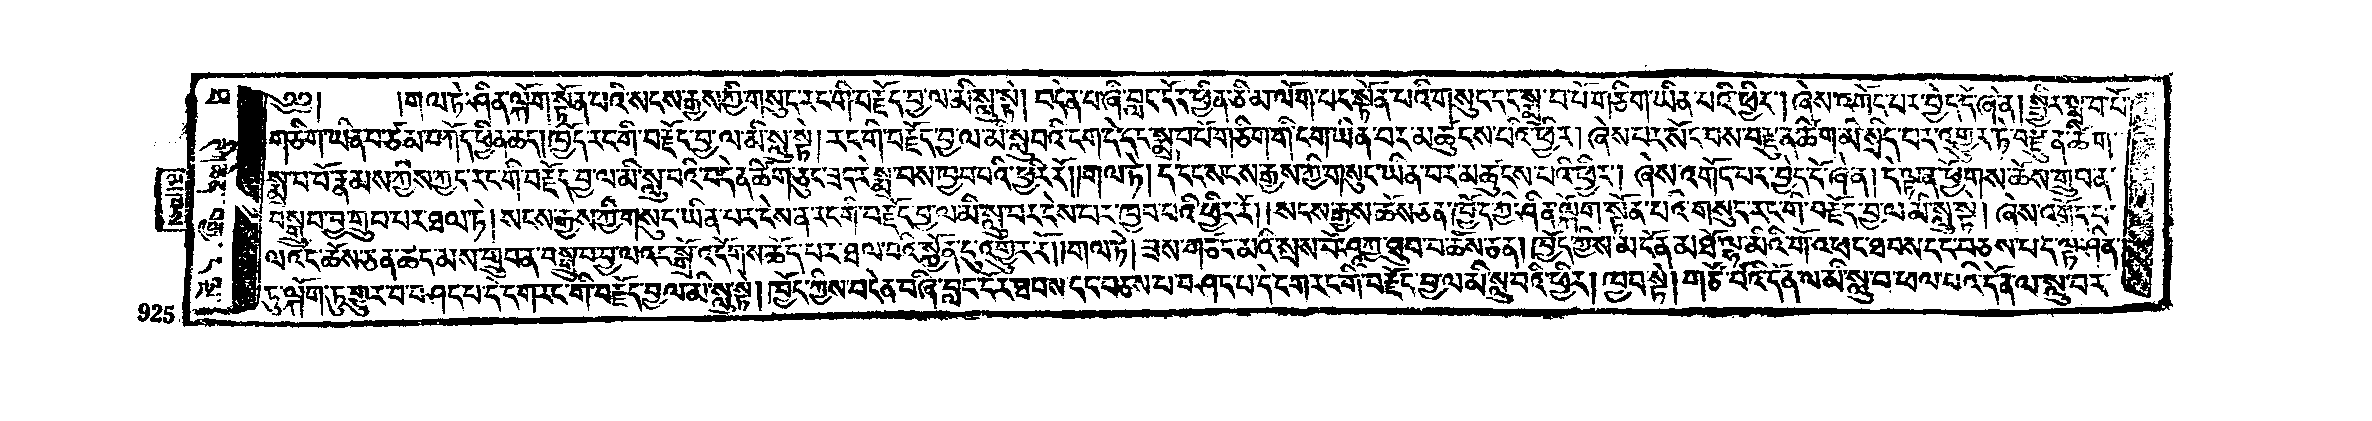༄༅། །གལ་ཏེ་ཤིན་ལྐོག་སྟོན་པའི་སངས་རྒྱས་ཀྱི་གསུང་རང་གི་བརྗོད་བྱ་ལ་མི་སླུ་སྟེ། བདེན་པ་ཞི་བླང་དོར་ཕྱིན་ཅི་མ་ལོག་པར་སྟོན་པའི་གསུང་དང་སྨྲ་བ་པོ་གཅིག་ཡིན་པའི་ཕྱིར། ཞེས་འགོད་པར་བྱེད་དོ་ཞེ་ན། སྤྱིར་སྨྲ་བ་པོ་
གཅིག་ཡིན་པ་ཙམ་བཀོད་ཕྱིན་ཆད། ཁྱོད་རང་གི་བརྗོད་བྱ་ལ་མི་སླུ་སྟེ། རང་གི་བརྗོད་བྱ་ལ་མི་སླུ་བའི་ངག་དེ་དང་སྨྲ་བ་པོ་གཅིག་གི་ངག་ཡིན་པར་མཚུངས་པའི་ཕྱིར། ཞེས་པར་སོང་བས་བརྫུན་ཚིག་མི་སྲིད་པར་འགྱུར་ཏེ་བརྫུན་ཚིག་
སྨྲ་བ་པོ་རྣམས་ཀྱིས་ཀྱང་རང་གི་བརྗོད་བྱ་ལ་མི་སླུ་བའི་བདེན་ཚིག་ཅུང་ཟད་རེ་སྨྲ་བས་ཁྱབ་པའི་ཕྱིར་རོ། །གལ་ཏེ། དེ་དང་སངས་རྒྱས་ཀྱི་གསུང་ཡིན་པར་མཚུངས་པའི་ཕྱིར། ཞེས་འགོད་པར་བྱེད་དོ་ཞེ་ན། དེ་ལྟ་ན་ཕྱོགས་ཆོས་གྲུབ་ན་
བསྒྲུབ་བྱ་གྲུབ་པར་ཐལ་ཏེ། སངས་རྒྱས་ཀྱི་གསུང་ཡིན་པར་ངེས་ན་རང་གི་བརྗོད་བྱ་ལ་མི་སླུ་བར་ངེས་པར་ཁྱབ་པའི་ཕྱིར་རོ། །སངས་རྒྱས་ཆོས་ཅན་ཁྱོད་ཀྱི་ཤིན་ལྐོག་སྟོན་པའི་གསུང་རང་གི་བརྗོད་བྱ་ལ་མི་སླུ་སྟེ། ཞེས་འགོད་པ་
ལའང་ཆོས་ཅན་ཚད་མས་གྲུབ་ན་བསྒྲུབ་བྱ་ལའང་སྒྲོ་འདོགས་ཆོད་པར་ཐལ་བའི་སྐྱོན་དུ་འགྱུར་རོ། །གལ་ཏེ། ཟས་གཙང་མའི་སྲས་པོ་ཤཱཀྱ་ཐུབ་པ་ཆོས་ཅན། ཁྱོད་ཀྱིས་མངོན་མཐོ་ལྷ་མིའི་གོ་འཕང་ཐབས་དང་བཅས་པ་དེ་ལྟ་ཤིན་
ཏུ་ལྐོག་ཏུ་གྱུར་བ་བཤད་པ་དེ་དག་རང་གི་བརྗོད་བྱ་ལ་མི་སླུ་སྟེ། ཁྱོད་ཀྱིས་བདེན་བཞི་བླང་དོར་ཐབས་དང་བཅས་པ་བཤད་པ་དེ་དག་རང་གི་བརྗོད་བྱ་ལ་མི་སླུ་བའི་ཕྱིར། ཁྱབ་སྟེ། གཙོ་བོའི་དོན་ལ་མི་སླུ་བ་ཕལ་པའི་དོན་ལ་སླུ་བར་